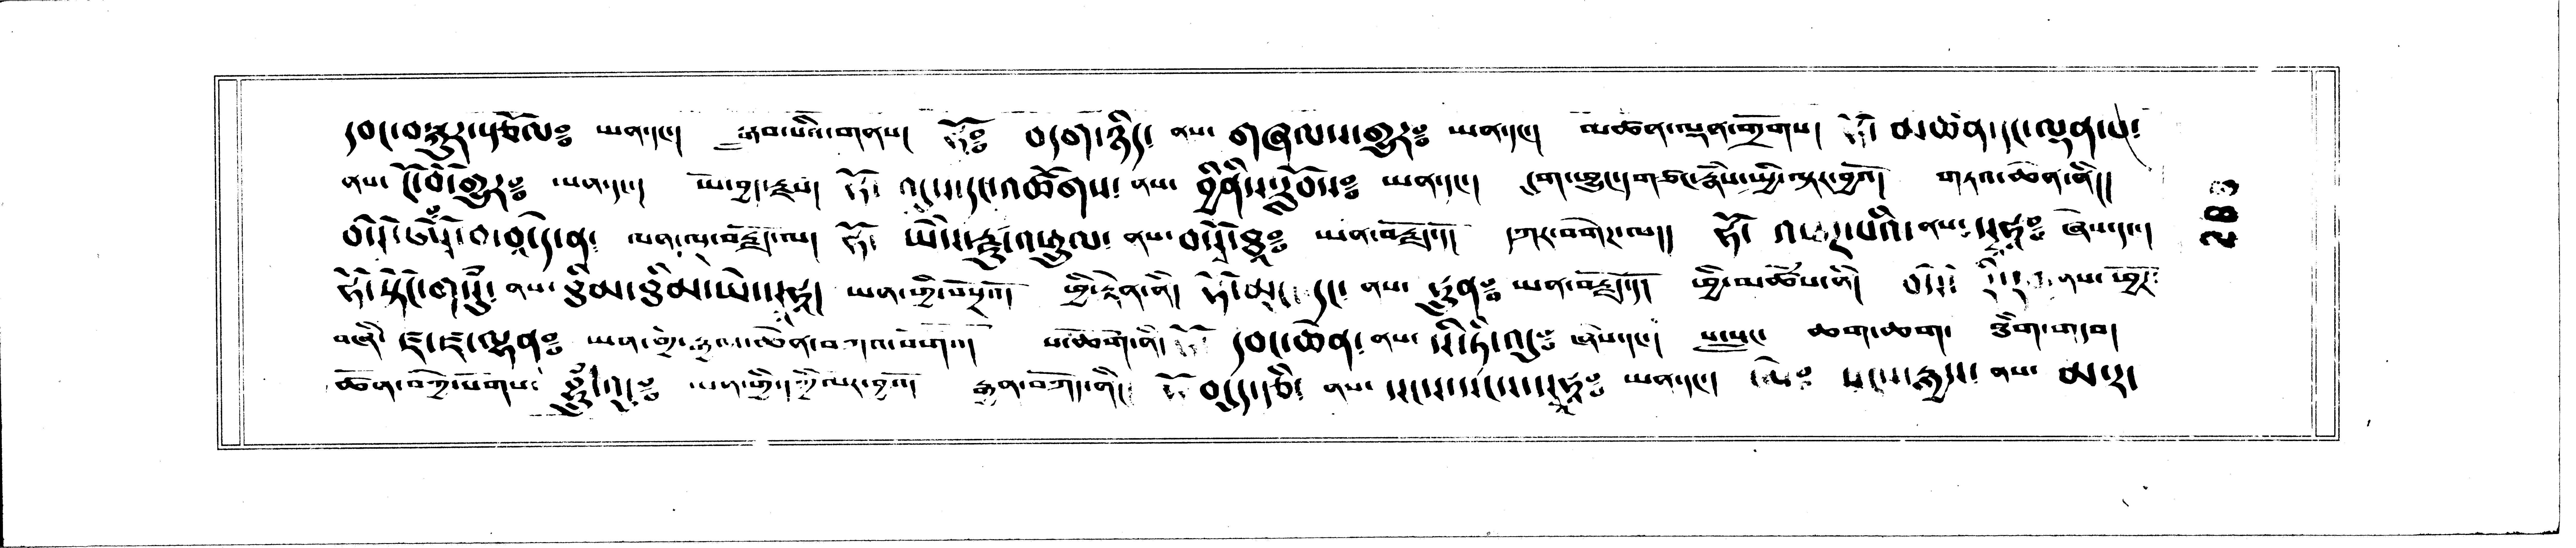དབང་བསྐུར་སྩོལ། ཡན་དང་། བསྒྲུབ་པའི་གནས། ཧོ། བདག་ཉིད་ནས་གཞལ་ཡས་གྱུར། ཡན་དང་། མཚན་ལྡན་གྲོགས། ཧོ། མཚན་དང་ལྡན་པ་
ནས་ངོ་བོར་གྱུར། ཡན་དང་། ཡོ་བྱད་རྫས། ཧོ། འདུས་དང་འཚོགས། ནས། བྱིན་གྱིས་རློབས། ཡན་དང་། དུག་ཕྱུང་དག་གཙང་རྣམས་སྤྱི་ལྟར་བྱའོ། གཏའ་ཆེན་ནི། 
བསྭོ་ཨཱོྃཿབ་བཱ་དེ་ན། ལན་ལྔ་བརྗོད་ལ། ཧོ། ཡེ་ཤེས་རྫུ་འཕྲུལ་ནས་བསྭོ་ཐཿ ཞེས་བརྗོད་དོ། དཀར་བགེགས་ལ། ཧོ། འཕགས་པའི། ནས། སྭཱཧླཱཿ ཞེས་དང་།
 ཧོཿ སྟོང་གསུམ་ནས་ཐིམ་ཐིམ་ཡེ་སྭཱཧཱཿ ཡན་གྱིས་བསྔོའོ། ཕྱི་རྟེན་ནི། ཧོ། མདུང་དང་ནས། ཧྲུནཿ ཞེས་བརྗོད་དོ། ཕྱི་མཚམས་ནི། ཕྱི་མཚམས་ནི། རི་རབ་ནས་ཕྱོགས་
བཞི་ཛ་ཛ་ལྷནཿ ཡན་གྱི་རྒྱལ་ཆེན་བཀའ་བསྒོའོཿ ས་ཆོག་ནི། ཧོ། དབང་ཆེན་ནས་སི་ཏི་འདུ། ཞེས་དང་། ས་བླང་། ཆག་ཆག་གདབ། ཐིག་གདབ། 
ཚོན་བཀྱེ་སོགས། བྷྲུྃ་འདུ། ཡན་གྱི་དཀྱིལ་འཁོར་བྱའོཿ རྒྱན་བཀོད་ནི། ཧོཿ བདུད་རྩི་ནས་སངས་སངས་སྭཱ་ཧཱཿ ཡན་དང་། ཨེཿ སངས་རྒྱས་ནས་མ་ར་